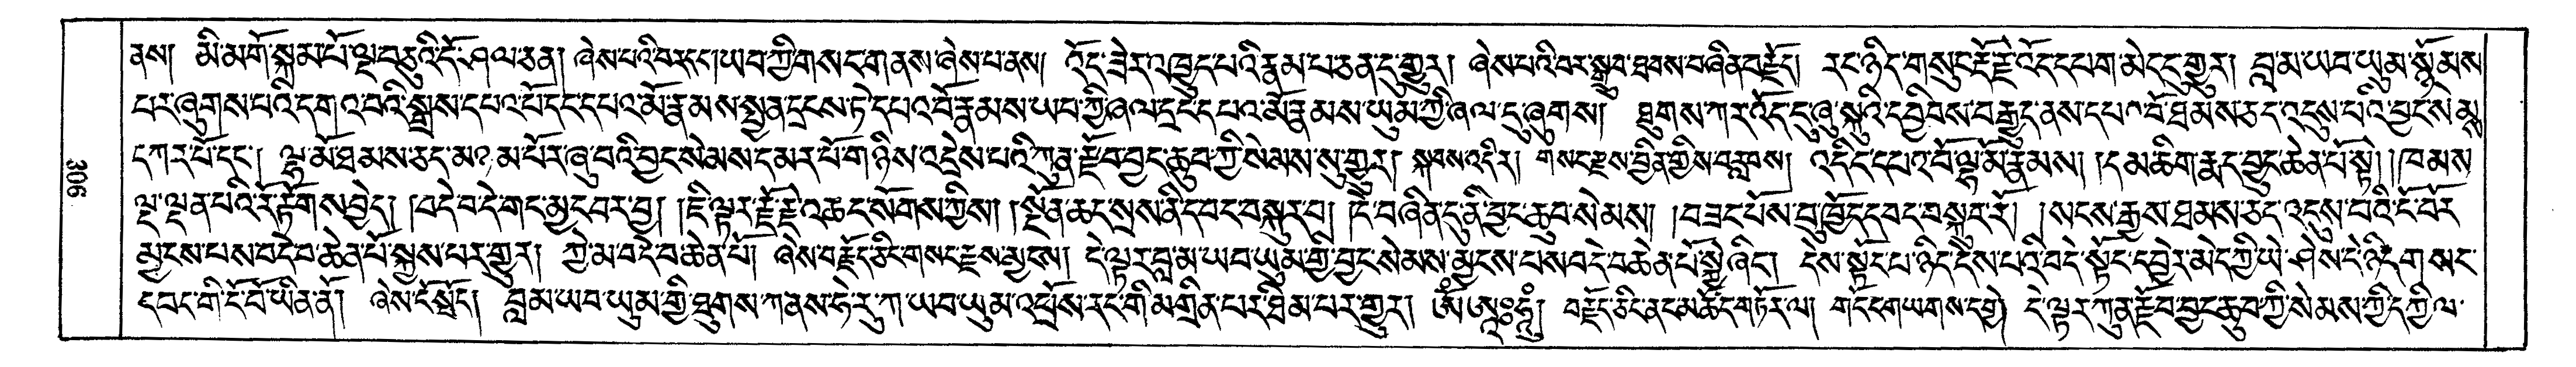ནས༑ མི་མགོ་སྐམ་པོ་ལྔ་བཅུའི་དོ་ཤལ་ཅན། ཞེས་པའི་བར་དང་། ཡབ་ཀྱི་གསང་གནས་ཞེས་པ་ནས། འོད་ཟེར་འཁྱུད་པའི་རྣམ་པ་ཅན་དུ་གྱུར། ཞེས་པའི་བར་སྒྲུབ་ཐབས་བཞིན་བརྗོད། རང་ཉིད་གསུང་རྡོ་རྗེ་འོད་དཔག་མེད་དུ་གྱུར། བླ་མ་ཡབ་ཡུམ་སྙོམས་
པར་ཞུགས་པའི་དགའ་བའི་སྒྲས་དཔའ་བོ་དང་དཔའ་མོ་རྣམས་སྤྱན་དྲངས་ཏེ་དཔའ་བོ་རྣམས་ཡབ་ཀྱི་ཞལ་དང་དཔའ་མོ་རྣམས་ཡུམ་གྱི་ཞལ་དུ་ཞུགས། ཐུགས་ཀར་འོད་དུ་ཞུ་སྐུའི་དབྱིབས་བརྒྱུད་ནས་དཔའ་བོ་ཐམས་ཅད་འདུས་པའི་བྱང་སེམས་
དཀར་པོ་དང་། ལྷ་མོ་ཐམས་ཅད་མཉམ་པོར་ཞུ་བའི་བྱང་སེམས་དམར་པོ་གཉིས་འདྲེས་པའི་ཀུན་རྫོབ་བྱང་ཆུབ་ཀྱི་སེམས་སུ་གྱུར། སྐབས་འདིར། གསང་རྫས་བྱིན་གྱིས་བརླབས། འདི་དེ་དཔའ་བོ་ལྷ་མ་རྣམས། །དམ་ཚིག་རྨད་བྱུང་ཆེན་པོ་སྟེ། །ཁམས་
ལྔ་ལྡན་པའི་རོ་རྟོགས་བྱེད། །བདེ་བ་དེ་གང་མྱང་བར་བྱ། །ཇི་ལྟར་རྡོ་རྗེ་འཆང་སོགས་ཀྱིས། །སྔོན་ཆད་སྲས་ནི་དབང་བསྐུར་བ། །དེ་བཞིན་དུ་ནི་བྱང་ཆུབ་སེམས། །བཟང་པོས་བུ་ཁྱོད་དབང་བསྐུར་རོ། །སངས་རྒྱས་ཐམས་ཅད་འདུས་པའི་ངོ་བོར་
མྱངས་པས་བདེ་བ་ཆེན་པོ་སྐྱེས་པར་གྱུར། ཀྱེ་མ་བདེ་བ་ཆེན་པོ། ཞེས་བརྗོད་ཅིང་གསང་རྫས་མྱངས། དེ་ལྟར་བླ་མ་ཡབ་ཡུམ་གྱི་བྱང་སེམས་མྱངས་པས་བདེ་བ་ཆེན་པོ་སྐྱེ་ཞིང་། དེས་སྟོང་པ་ཉིད་ངེས་པའི་བདེ་སྟོང་དབྱེར་མེད་ཀྱི་ཡེ་ཤེས་དེ་ཉིད་གསང་
དབང་གི་ངོ་བོ་ཡིན་ནོ། ཞེས་ངོ་སྦྲད། བླ་མ་ཡབ་ཡུམ་གྱི་ཐུགས་ཀ་ནས་ཧེ་རུ་ཀ་ཡབ་ཡུམ་འཕྲོས་རང་གི་མགྲིན་པར་ཐིམ་པར་གྱུར། ཨོཾ་ཨཱཿཧཱུཾ། བརྗོད་ཅིང་ནང་མཆོད་གཏོར་ལ། གདོང་གཡོགས་དབྱེ། དེ་ལྟར་ཀུན་རྫོབ་བྱང་ཆུབ་ཀྱི་སེམས་ཀྱི་དཀྱིལ་